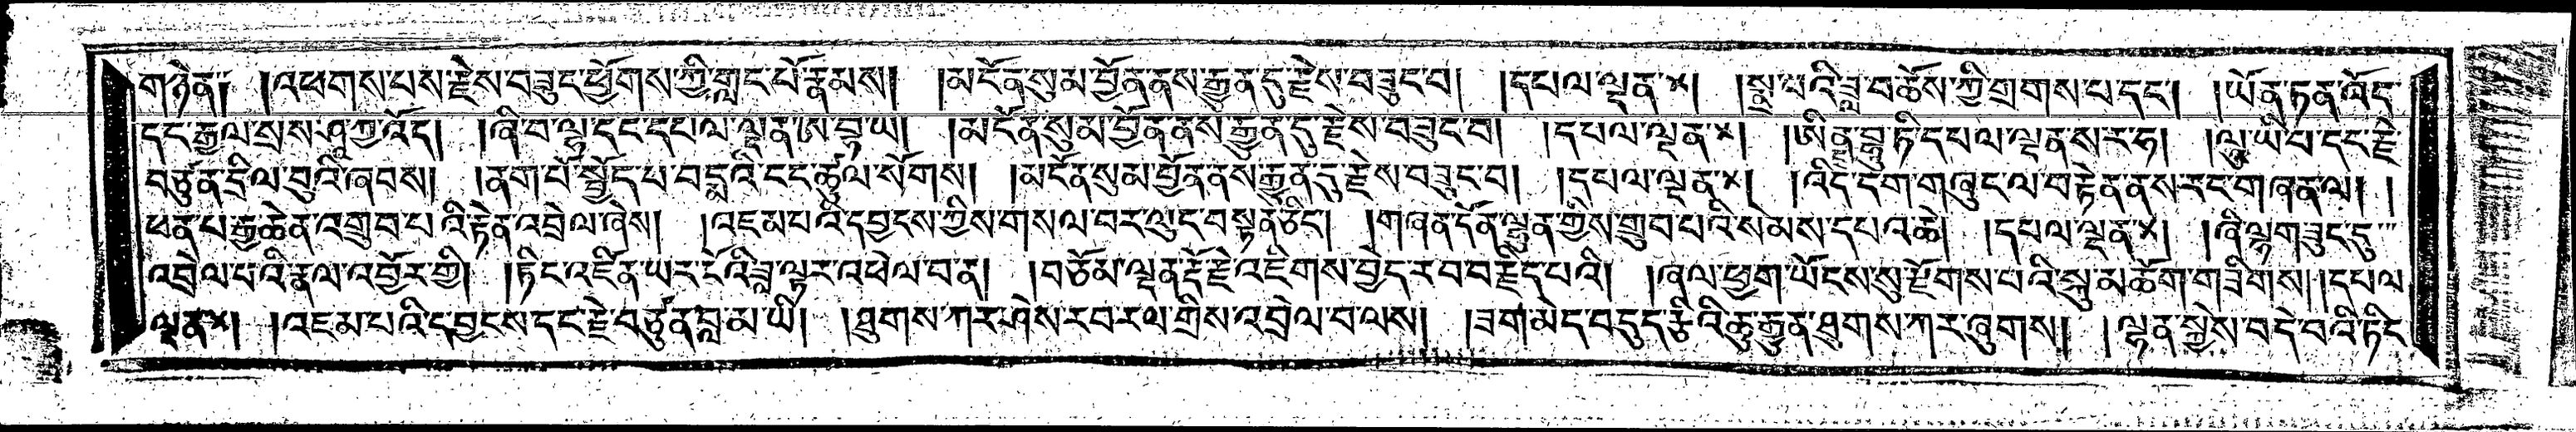གཉེན། །འཕགས་པས་རྗེས་བཟུང་ཕྱོགས་ཀྱི་གླང་པོ་རྣམས། །མངོན་སུམ་བྱོན་ནས་རྒྱུན་དུ་རྗེས་བཟུང་བ། །དཔལ་ལྡན་{྾}། །སྨྲ་བའི་ཟླ་བ་ཆོས་ཀྱི་གྲགས་པ་དང་། །ཡོན་ཏན་འོད་
དང་རྒྱལ་སྲས་ཤཱཀྱ་འོད། །ཞི་བ་ལྷ་དང་དཔལ་ལྡན་ཨ་བྷ་ཡ། །མངོན་སུམ་བྱོན་ནས་རྒྱུན་དུ་རྗེས་བཟུང་བ། །དཔལ་ལྡན་{྾}། །ཨིནྡྲ་བྷཱུ་ཏི་དཔལ་ལྡན་ས་ར་ཧ། །ལཱུ་ཡི་པ་དང་རྗེ་
བཙུན་དྲིལ་བུའི་ཞབས། །ནག་པོ་སྤྱོད་པ་པདམའི་ངང་ཚུལ་སོགས། །མངོན་སུམ་བྱོན་ནས་རྒྱུན་དུ་རྗེས་བཟུང་བ། །དཔལ་ལྡན་{྾}། །འདི་དག་གཞུང་ལ་བརྟེན་ནས་རང་གཞན་ལ། །
ཕན་པ་རྒྱ་ཆེན་འགྲུབ་པའི་རྟེན་འབྲེལ་ཞེས། །འཇམ་པའི་དབྱངས་ཀྱིས་གསལ་བར་ལུང་བསྟན་ཅིང་། །གཞན་དོན་ལྷུན་གྱིས་གྲུབ་པའི་སེམས་དཔའ་ཆེ། །དཔལ་ལྡན་{྾}། །ཞི་ལྷག་ཟུང་དུ་
འབྲེལ་པའི་རྣལ་འབྱོར་གྱི། །ཏིང་འཛིན་ཡར་ངོའི་ཟླ་ལྟར་འཕེལ་བ་ན། །བཅོམ་ལྡན་རྡོ་རྗེ་འཇིགས་བྱེད་རབ་བརྗིད་པའི། །ཞལ་ཕྱག་ཡོངས་སུ་རྫོགས་པའི་སྐུ་མཆོག་གཟིགས། །དཔལ་
ལྡན་{྾}། །འཇམ་པའི་དབྱངས་དང་རྗེ་བཙུན་བླ་མ་ཡི། །ཐུགས་ཀར་ཤེས་རབ་རལ་གྲིས་འབྲེལ་བ་ལས། །ཟག་མེད་བདུད་རྩིའི་ཆུ་རྒྱུན་ཐུགས་ཀར་ཞུགས། །ལྷན་སྐྱེས་བདེ་བའི་ཏིང་